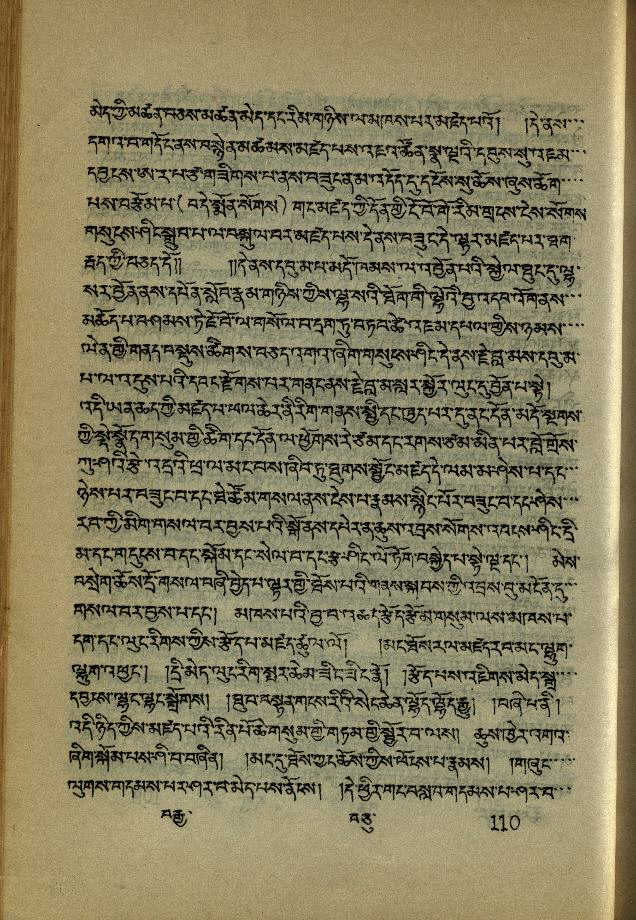མེད་ཀྱི་མཚན་བཅས་མཚན་མེད་དང་རིམ་གཉིས་ལ་མཁས་པར་མཛད་པའོ། །དེ་ནས་
དགའ་བ་གདོང་ནས་བསྙེན་མཚམས་མཛད་པས་འཇའ་ཚོན་སྣ་ལྔའི་དབུས་སུ་འཇམ་
དབྱངས་ཨ་ར་པ་ཙ་གཟིགས་པ་ནས་བཟུང་ན་མ་འདོད་དུ་དངོས་སུ་ཆོས་ཞུས་ཆོག་
པས་བརྩོམ་པ་བདེ་སྨོན་སོགས་གང་མཛད་ཀྱི་དོན་གྱི་ངོ་བོ་གོ་རིམ་གྲངས་ངེས་སོགས་
གསུངས་ཤིང་སྒྲུབ་པ་ལ་བསྐུལ་བར་མཛད་པས་དེ་ནས་བཟུང་དེ་ལྟར་མཛད་པར་ཐག་
རྦད་ཀྱི་བཅད་དོ།། །།དེ་ནས་དབུ་མ་པ་མདོ་ཁམས་ལ་འབྱོན་པའི་སྐྱེལ་ཐུང་དུ་ལྷ་
སར་བྱོན་ནས་དཔོན་སློབ་རྣམ་གཉིས་ཀྱིས་ལྷ་སའི་ཐོག་གི་ལྷོའི་བྱ་འདབ་འོག་ནས་
མཆོད་པ་བཤམས་ཏེ་ཇོ་བོ་ལ་གསོལ་བ་དྲག་ཏུ་བཏབ་ཚེ་འཇམ་དཔལ་གྱིས་ཉམས་
ལེན་གྱི་གནད་བསྡུས་ཚིགས་བཅད་འགའ་ཞིག་གསུངས་ཤིང་དེ་ནས་རྗེ་བླ་མས་དབུ་མ་
པ་ལ་འདུས་པའི་དབང་རྫོགས་པར་གནང་ནས་རྗེ་བླ་མ་སླར་སྐྱོར་ལུང་དུ་བྱོན་པ་སྟེ།
འདི་ཡན་ཆད་ཀྱི་མཛད་པ་ཕལ་ཆེར་ནི་རིག་གནས་སྤྱི་དང་ཁྱད་པར་དུ་ནང་དོན་མདོ་སྔགས་
ཀྱི་སྡེ་སྣོད་གསུམ་གྱི་ཚིག་དང་དོན་ལ་ཕྱོགས་རེ་ཙམ་དང་རགས་ཙམ་མིན་པར་བློ་གྲོས་
ཀུ་ཤའི་རྩེ་འདྲའི་ཕྲ་ལ་མང་བས་ཞིབ་ཏུ་ཐུགས་སྦྱོང་མཛད་དེ་ལམ་མ་ཤེས་པ་དང་
ཉེས་པར་བཟུང་བ་དང་ཐེ་ཚོམ་གསལ་ནས་ངེས་པ་རྣམས་སྙིང་པོར་བཟུང་བ་དང་ཤེས་
རབ་ཀྱི་མིག་གསལ་བར་བྱས་པའི་སྒོ་ནས་དཔེར་ན་ཆུས་འབྲས་སོགས་འབངས་ཤིང་དྲི་
མ་དང་གདུངས་བ་དང་སྐོམ་དང་སེལ་བ་དང་རྩ་ཤིང་ལོ་ཏོག་བསྐྱེད་པ་སྟེ་ལྔ་དང་། མེས་
བསྲེག་ཆོས་དྲོ་གསལ་བཞི་བྱེད་པ་ལྟར་གྱི་ཐོས་པའི་གནས་སྐབས་གྱི་འབྲས་བུ་མངོན་དུ་
གསལ་བར་བྱས་པ་དང་། མཁས་པའི་བྱ་བ་འཆད་རྩོད་རྩོམ་གསུམ་ལས་མཁས་པ་
དག་དང་ལུང་རིགས་ཀྱིས་རྩོད་པ་མཛད་ཚུལ་ལོ། །མང་ཐོས་རལ་མཛད་རབ་མང་ལྷུག་
ལྷུག་འཕྱང་། །དྲི་མེད་ལུང་རིག་སྤར་ཆེམ་ཟིང་ཟིང་རྣོ། །རྩོད་པས་འཇིགས་མེད་སྒྲ་
དབྱངས་ལྷང་ལྷང་སྒྲོགས། །ཐུབ་བསྟན་གངས་རིའི་སེང་ཆེན་ལྷོད་ལྷོད་རྒྱུ། །བཞི་པ་ནི།
འདི་ཉིད་ཀྱིས་མཛད་པའི་རིན་པོ་ཆེ་གསུམ་གྱི་གཏམ་གྱི་སྦྱོར་བ་ལས། ཆུས་ཁྱེར་འགའ་
ཞིག་སྐོམ་པས་ཤི་བ་བཞིན། །མང་དུ་ཐོས་ཀྱང་ཆོས་ཀྱིས་ཕོངས་པ་རྣམས། །གཞུང་
ལུགས་གདམས་པར་ཤར་བ་མེད་པས་ནོངས། །དེ་ཕྱིར་གང་བསླབ་གདམས་པ་ཤར་བ་